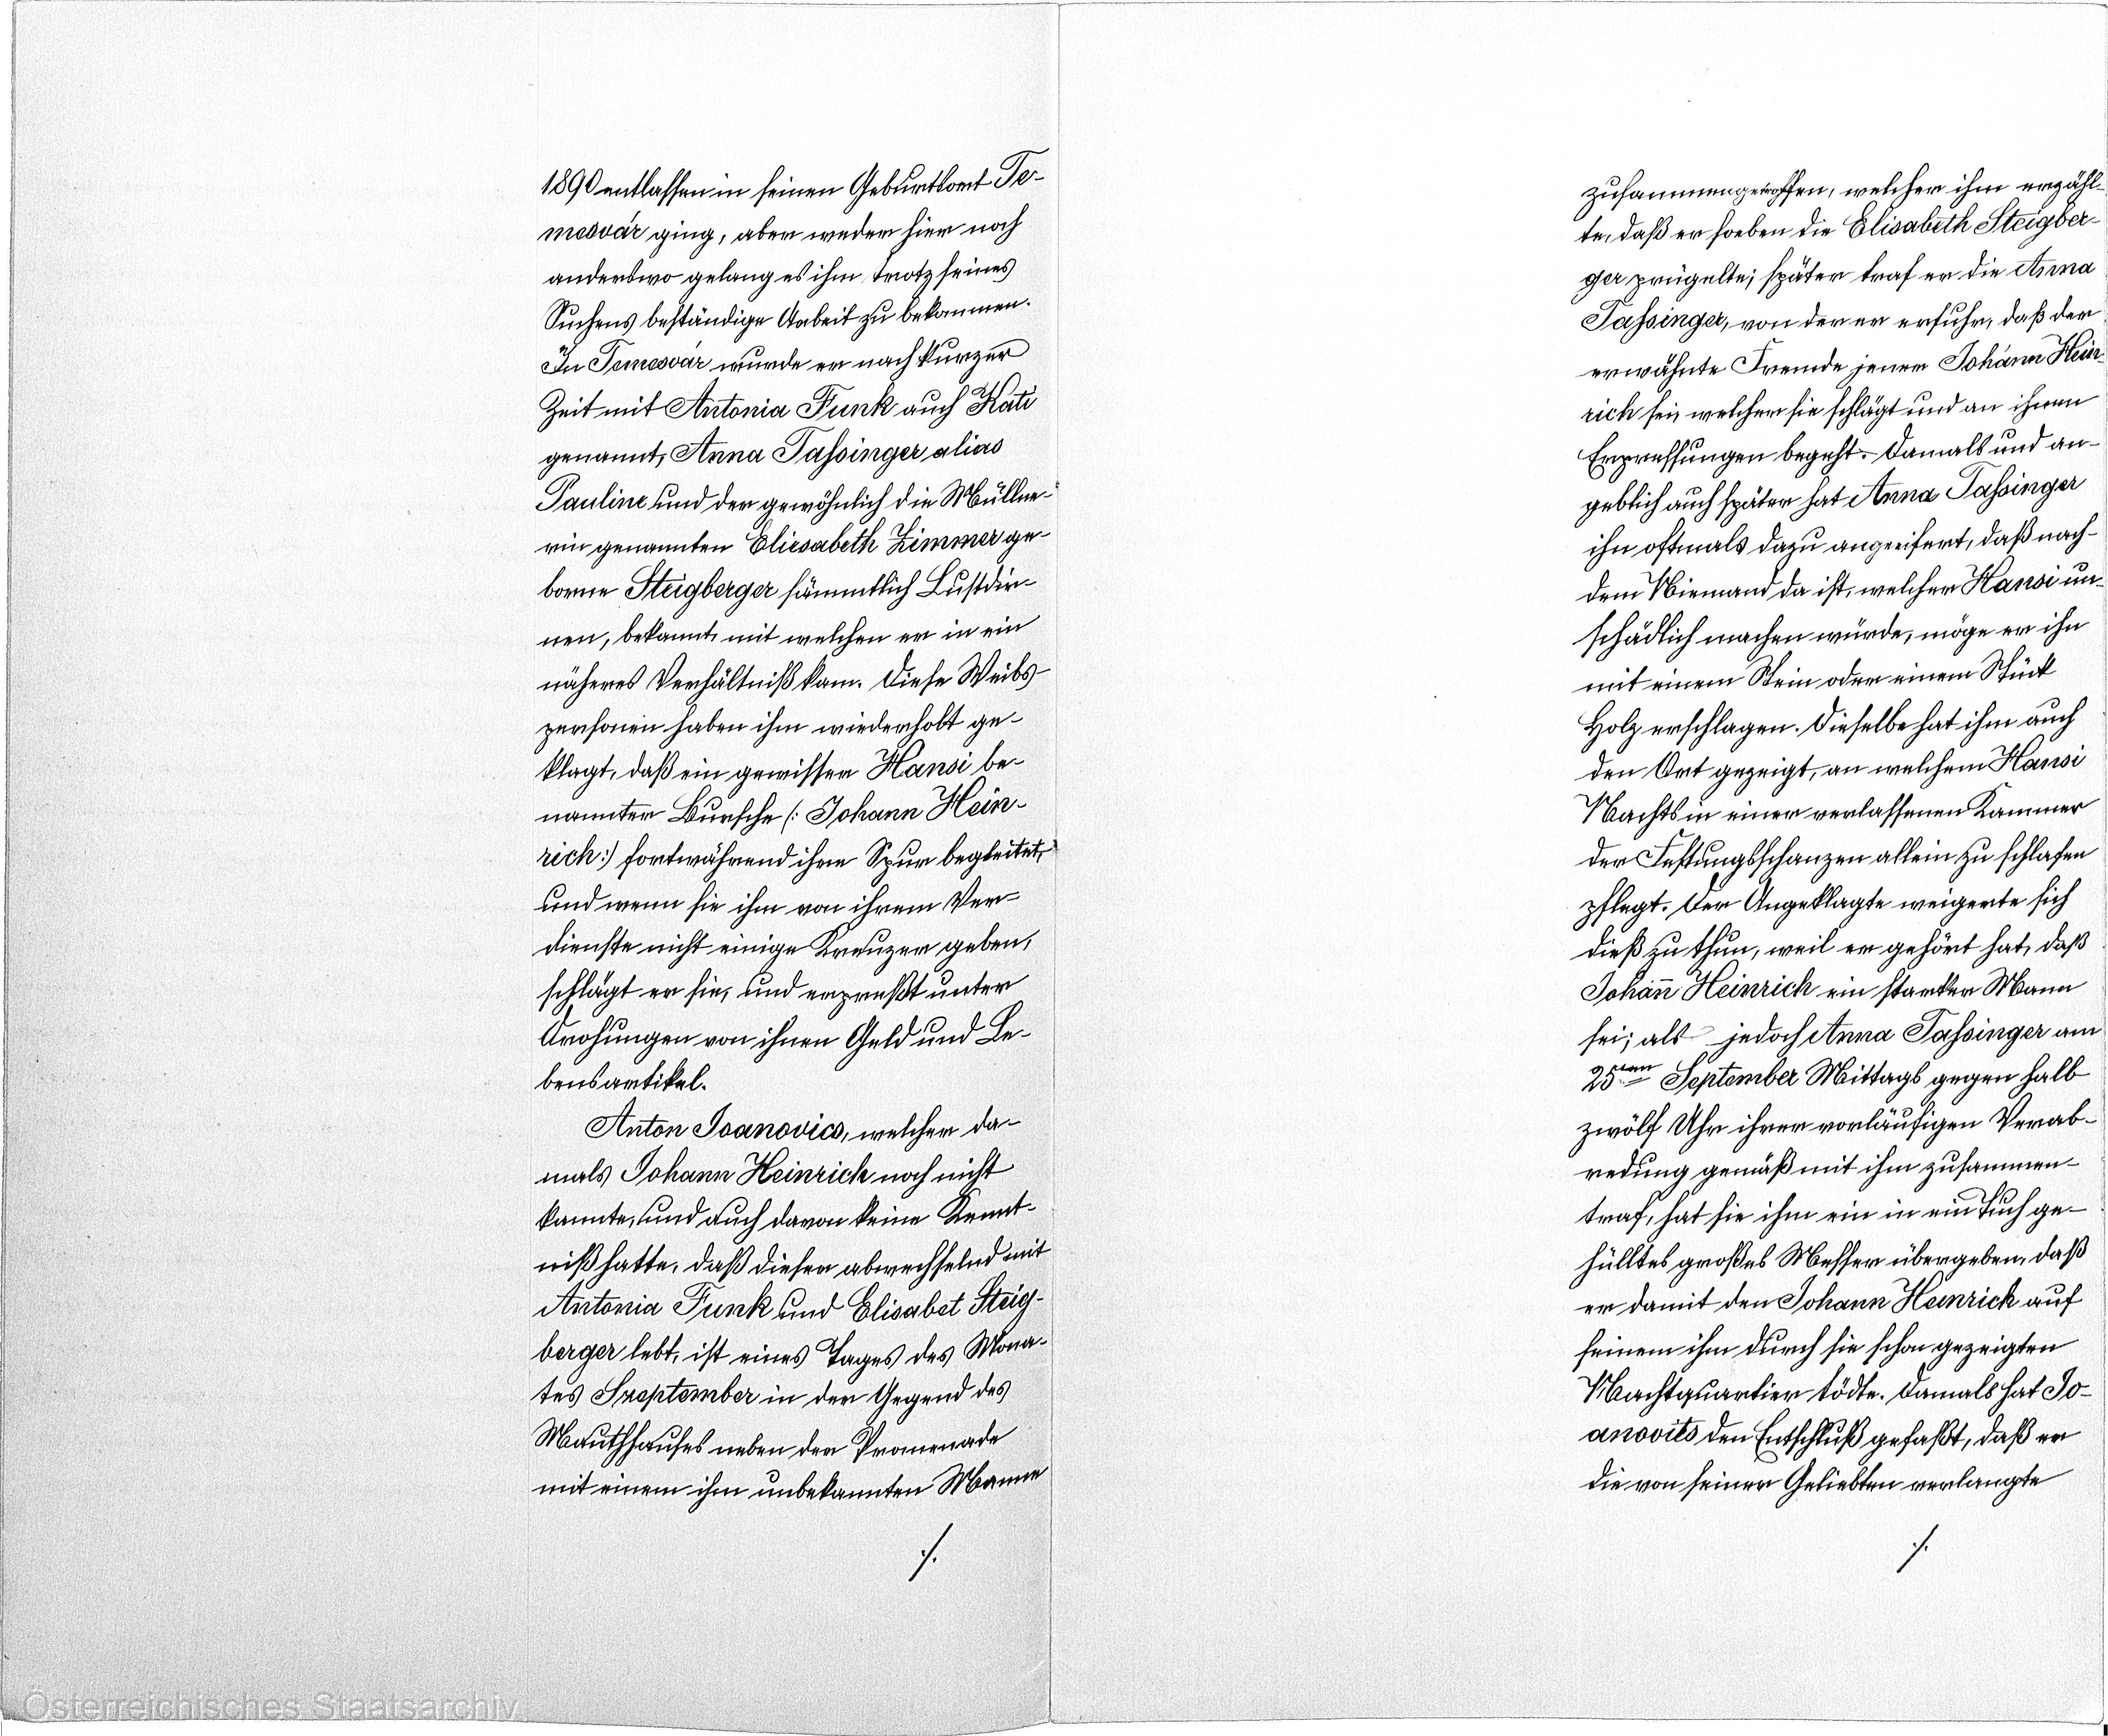entlassen in seinen Geburtsort Te¬
mesvár ging, aber weder hier noch
anderswo gelang es ihm trotz seines
Suchens beständige Arbeit zu bekommen.
In Temesvár wurde er nach kurzer
Zeit mit Antonia Funk auch Kati
genannt, Anna Tassinger alias
Pauline und der gewöhnlich die Müllne¬
rin genannten Elisabeth Zimmer ge¬
borene Steigberger sämmtlich Lustdir¬
nen, bekannt, mit welchen er in ein
näheres Verhältniß kam. Diese Weibs¬
personen haben ihm wiederholt ge¬
klagt, daß ein gewisser Hansi be¬
nannter Bursche (Johann Hein¬
rich) fortwährend ihre Spur begleitet,
und wenn sie ihm von ihrem Ver¬
dienste nicht einige Kreuzer geben,
schlägt er sie, und erpreßt unter
Drohungen von ihnen Geld und Le¬
bensartikel.
Anton Ioanovics, welcher da¬
mals Johann Heinrich noch nicht
kannte, und auch davon keine Kennt¬
niß hatte, daß dieser abwechselnd mit
Antonia Funk und Elisabet Steig¬
berger lebt, ist eines Tages des Mona¬
tes Szeptember in der Gegend des
Mauthhauses neben der Promenade
mit einem ihm unbekannten Manne
zusammengestroffen, welcher ihm erzähl¬
te, daß er soeben die Elisabeth Steigber¬
ger prügelte; später traf er die Anna
Tassinger, von der er erfuhr, daß der
erwähnte Freunde jener Johánn Hein¬
rich sei, welcher sie schlägt und an ihnen
Erpressungen begeht. Damals und an¬
geblich auch später hat Anna Tassinger
ihn oftmals dazu angeeifert, daß nach¬
dem Niemand da ist, welcher Hansi un¬
schädlich machen würde, möge er ihn
mit einem Stein oder einem Stück
Holz erschlagen. Dieselbe hat ihm auch
den Ort gezeigt, an welchem Hansi
Nachts in einer verlassenen Kammer
der Festungsschanzen allein zu schlafen
pflegt. Der Angeklagte weigerte sich
dieß zu thun, weil er gehört hat, daß
Johann Heinrich ein starker Mann
sei; als jedoch Anna Tassinger am
25en September Mittags gegen halb
zwölf Uhr ihrer vorläufigen Verab¬
redung gemäß mit ihm zusammen¬
traf, hat sie ihm ein in ein Tuch ge¬
hülltes großes Messer übergeben, daß
er damit den Johann Heinrich auf
seinem ihm durch sie schon gezeigten
Nachtquartier tödte. Damals hat Jo¬
anovits den Entschluß gefaßt, daß er
die von seiner Geliebten verlangte